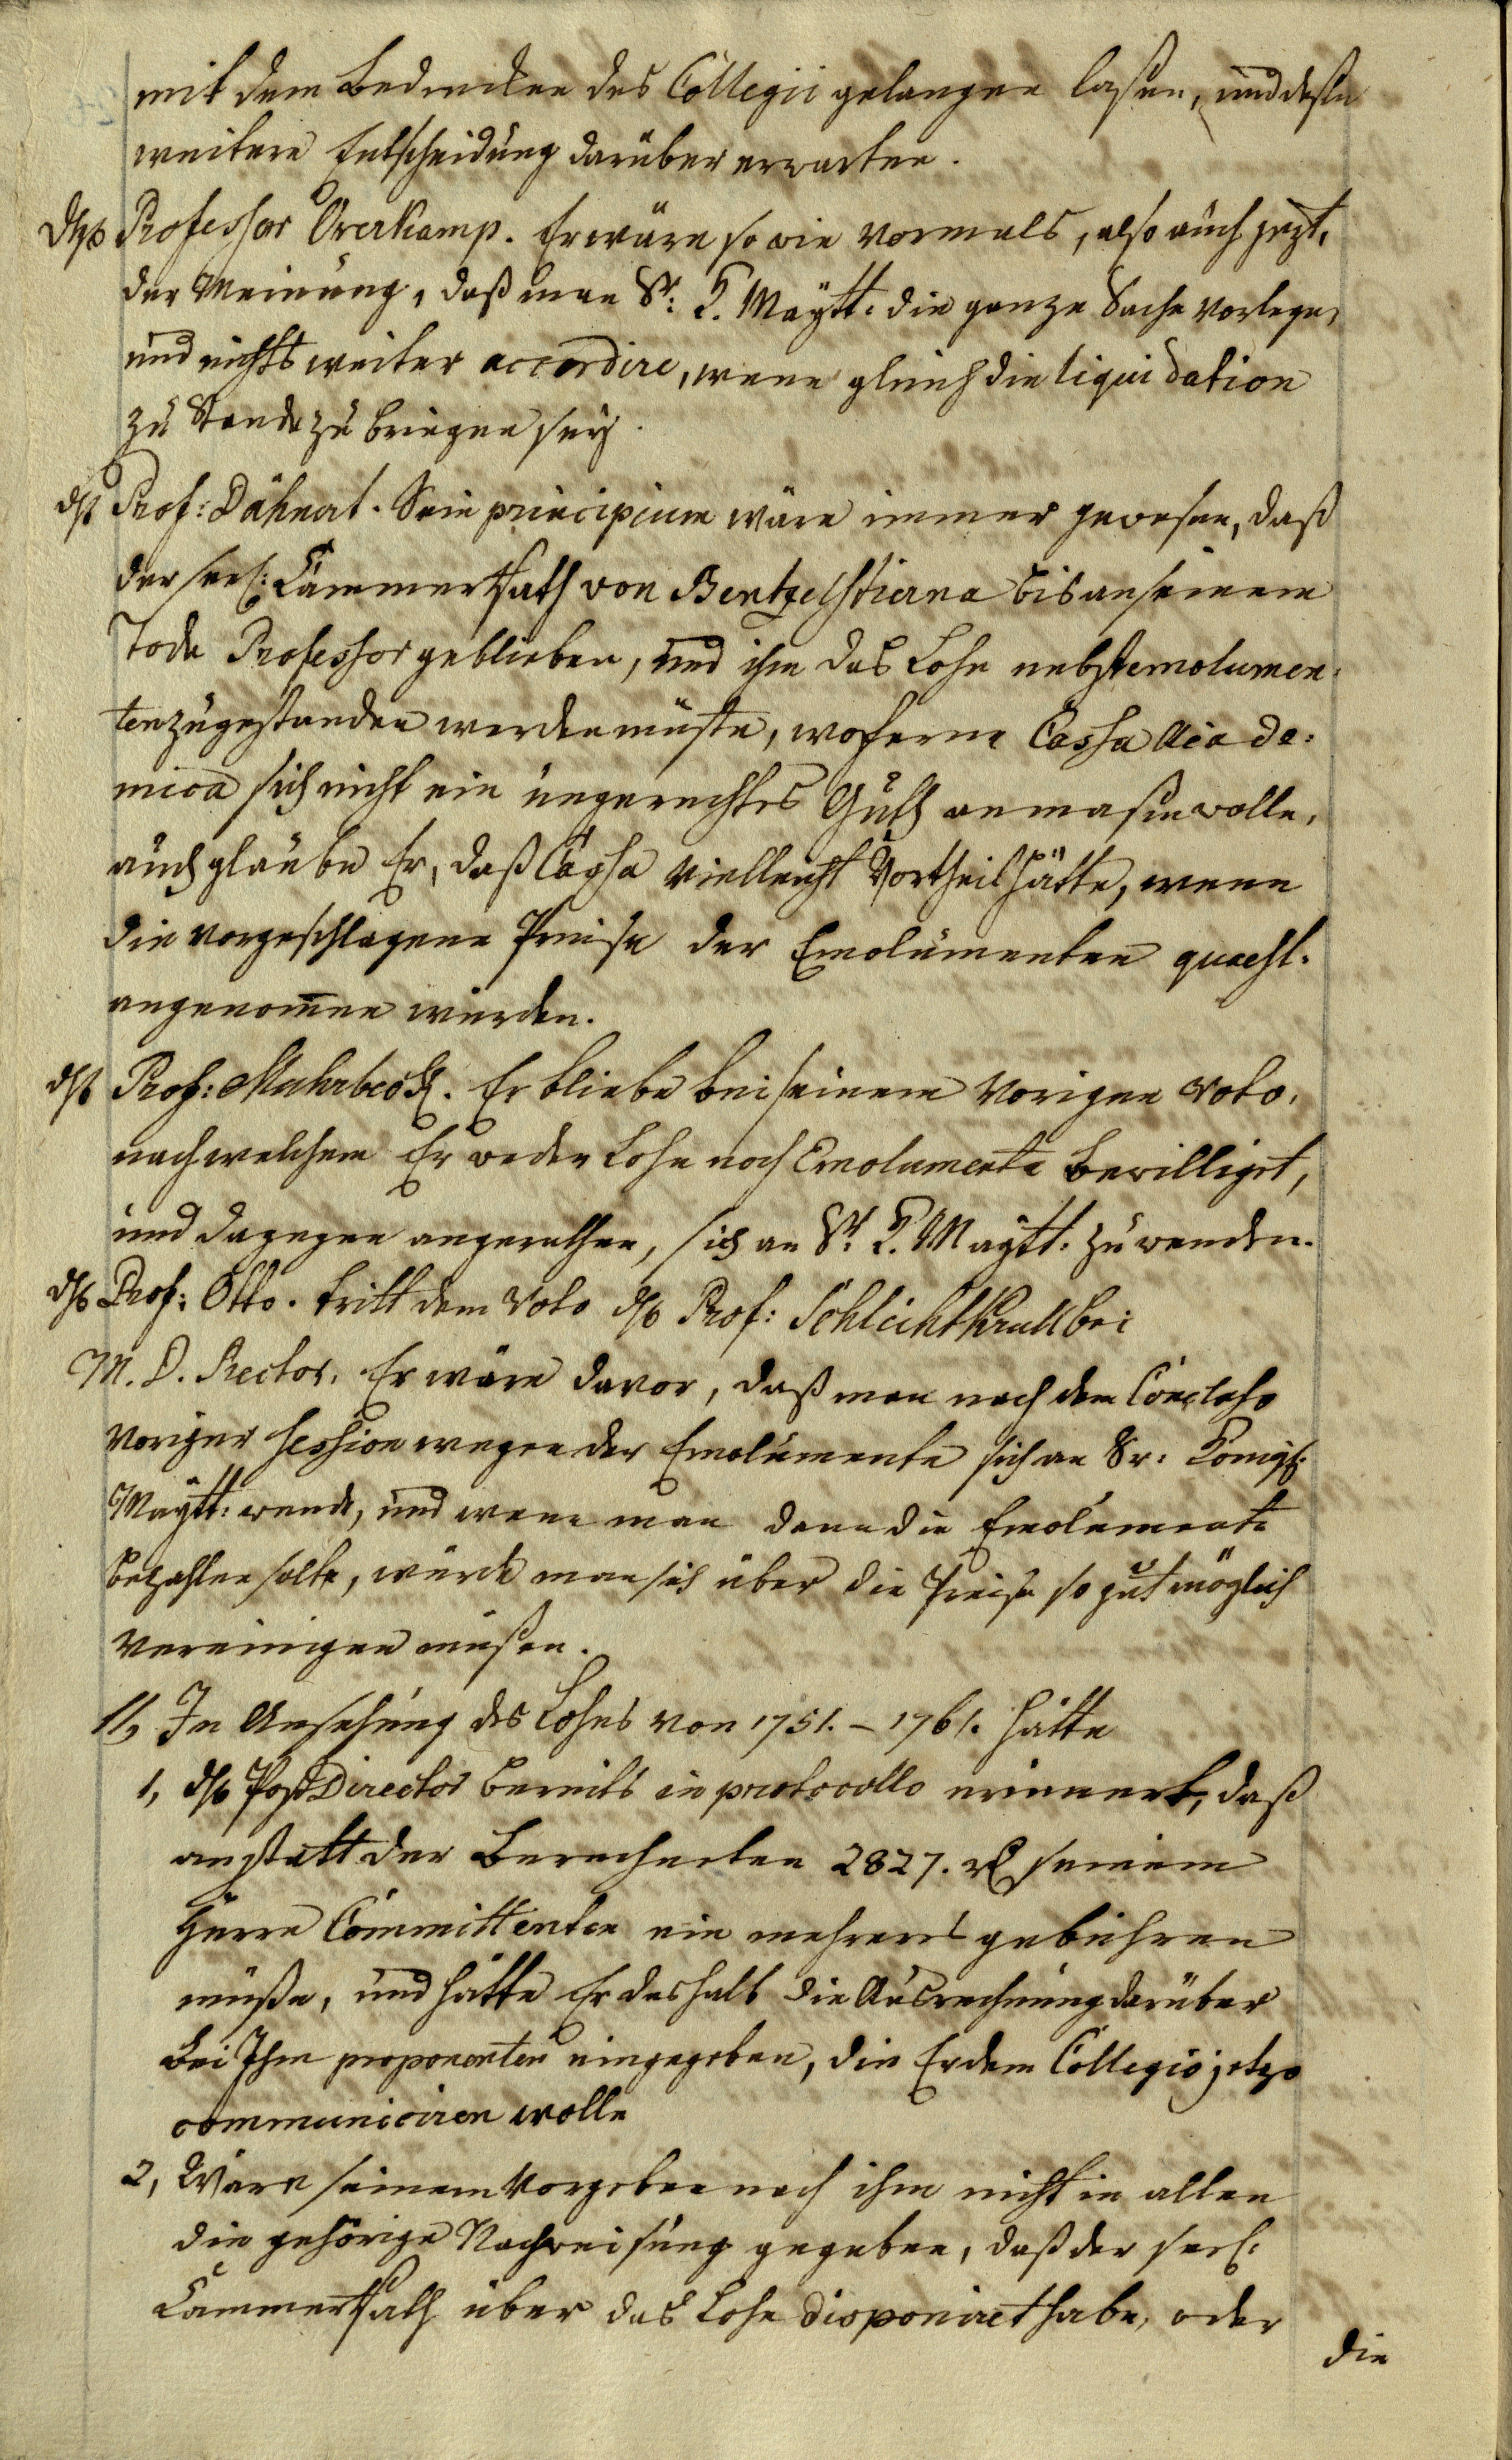mit dem Bedenken des Collegii gelangen laßen, und deßen
weitere Entscheidung darüber erwarten.
dh Professor Overkamp. Er wäre so wie vormals, also auch jezt,
der Meinug, daß man S. K. Maÿtt. die ganze Sache vorlege,
und nichts weiter accordire, wenn gleich die liquidation
zu Stande zu bringen seÿ.
dh. Porf. Dähnert. Sein principium wäre immer gewesen, daß
der seel. CammerRath von Bentzelstierna bis an seinem
Tode Professor geblieben, und ihm das Lohn nebst emolumen¬
ten zugestanden werden müßte, woferne Cassa Acade¬
mica sich nicht ein ungerechtes Guth anmaßen wolle,
auch glaube Er, daß Cassa vielleicht Vortheil hätte, wenn
die vorgeschlagene Preise der Emolumenten quaest.
angenomen wurden.
dh. Prof. Muhrbeck. Er bliebe bei seinem vorigen voto,
nach welchem Er weder Lohn noch Emolumente bewilliget,
und dagegen angerathen, sich an Sr. K. Maÿtt. zu wenden.
dh Prof. Otto. tritt dem Voto dh Prof. Schlichtkrull bei.
M. D. Rector. Er wäre davor, daß man nach dem Concluso
voriger Session wegen der Emolumente sich an Sr. Königl.
Maÿtt. wende, und wenn man dann die Emolumente
bezahlen solte, würde man sich über die Preise so gut möglich
vereinigen müßen.
II, In Ansehung des Lohns von 1751.-1761. hätte
1, dh PostDirector bereits in protocollo erinnert, daß
anstatt der berechneten 2827. rt seinem
Herrn Committenten ein mehreres gebühren
müße, und hätte Er deshalb die Anrechnung darüber
bei Ihm proponenten eingegeben, die Er dem Collegio jetzo
communiciren wolle.
2, Wäre seinem Vorgeben nach ihm nicht in allen
die gehörige Nachweisung gegeben, daß der seel.
CammerRath über das Lohn disponiret habe, oder
die